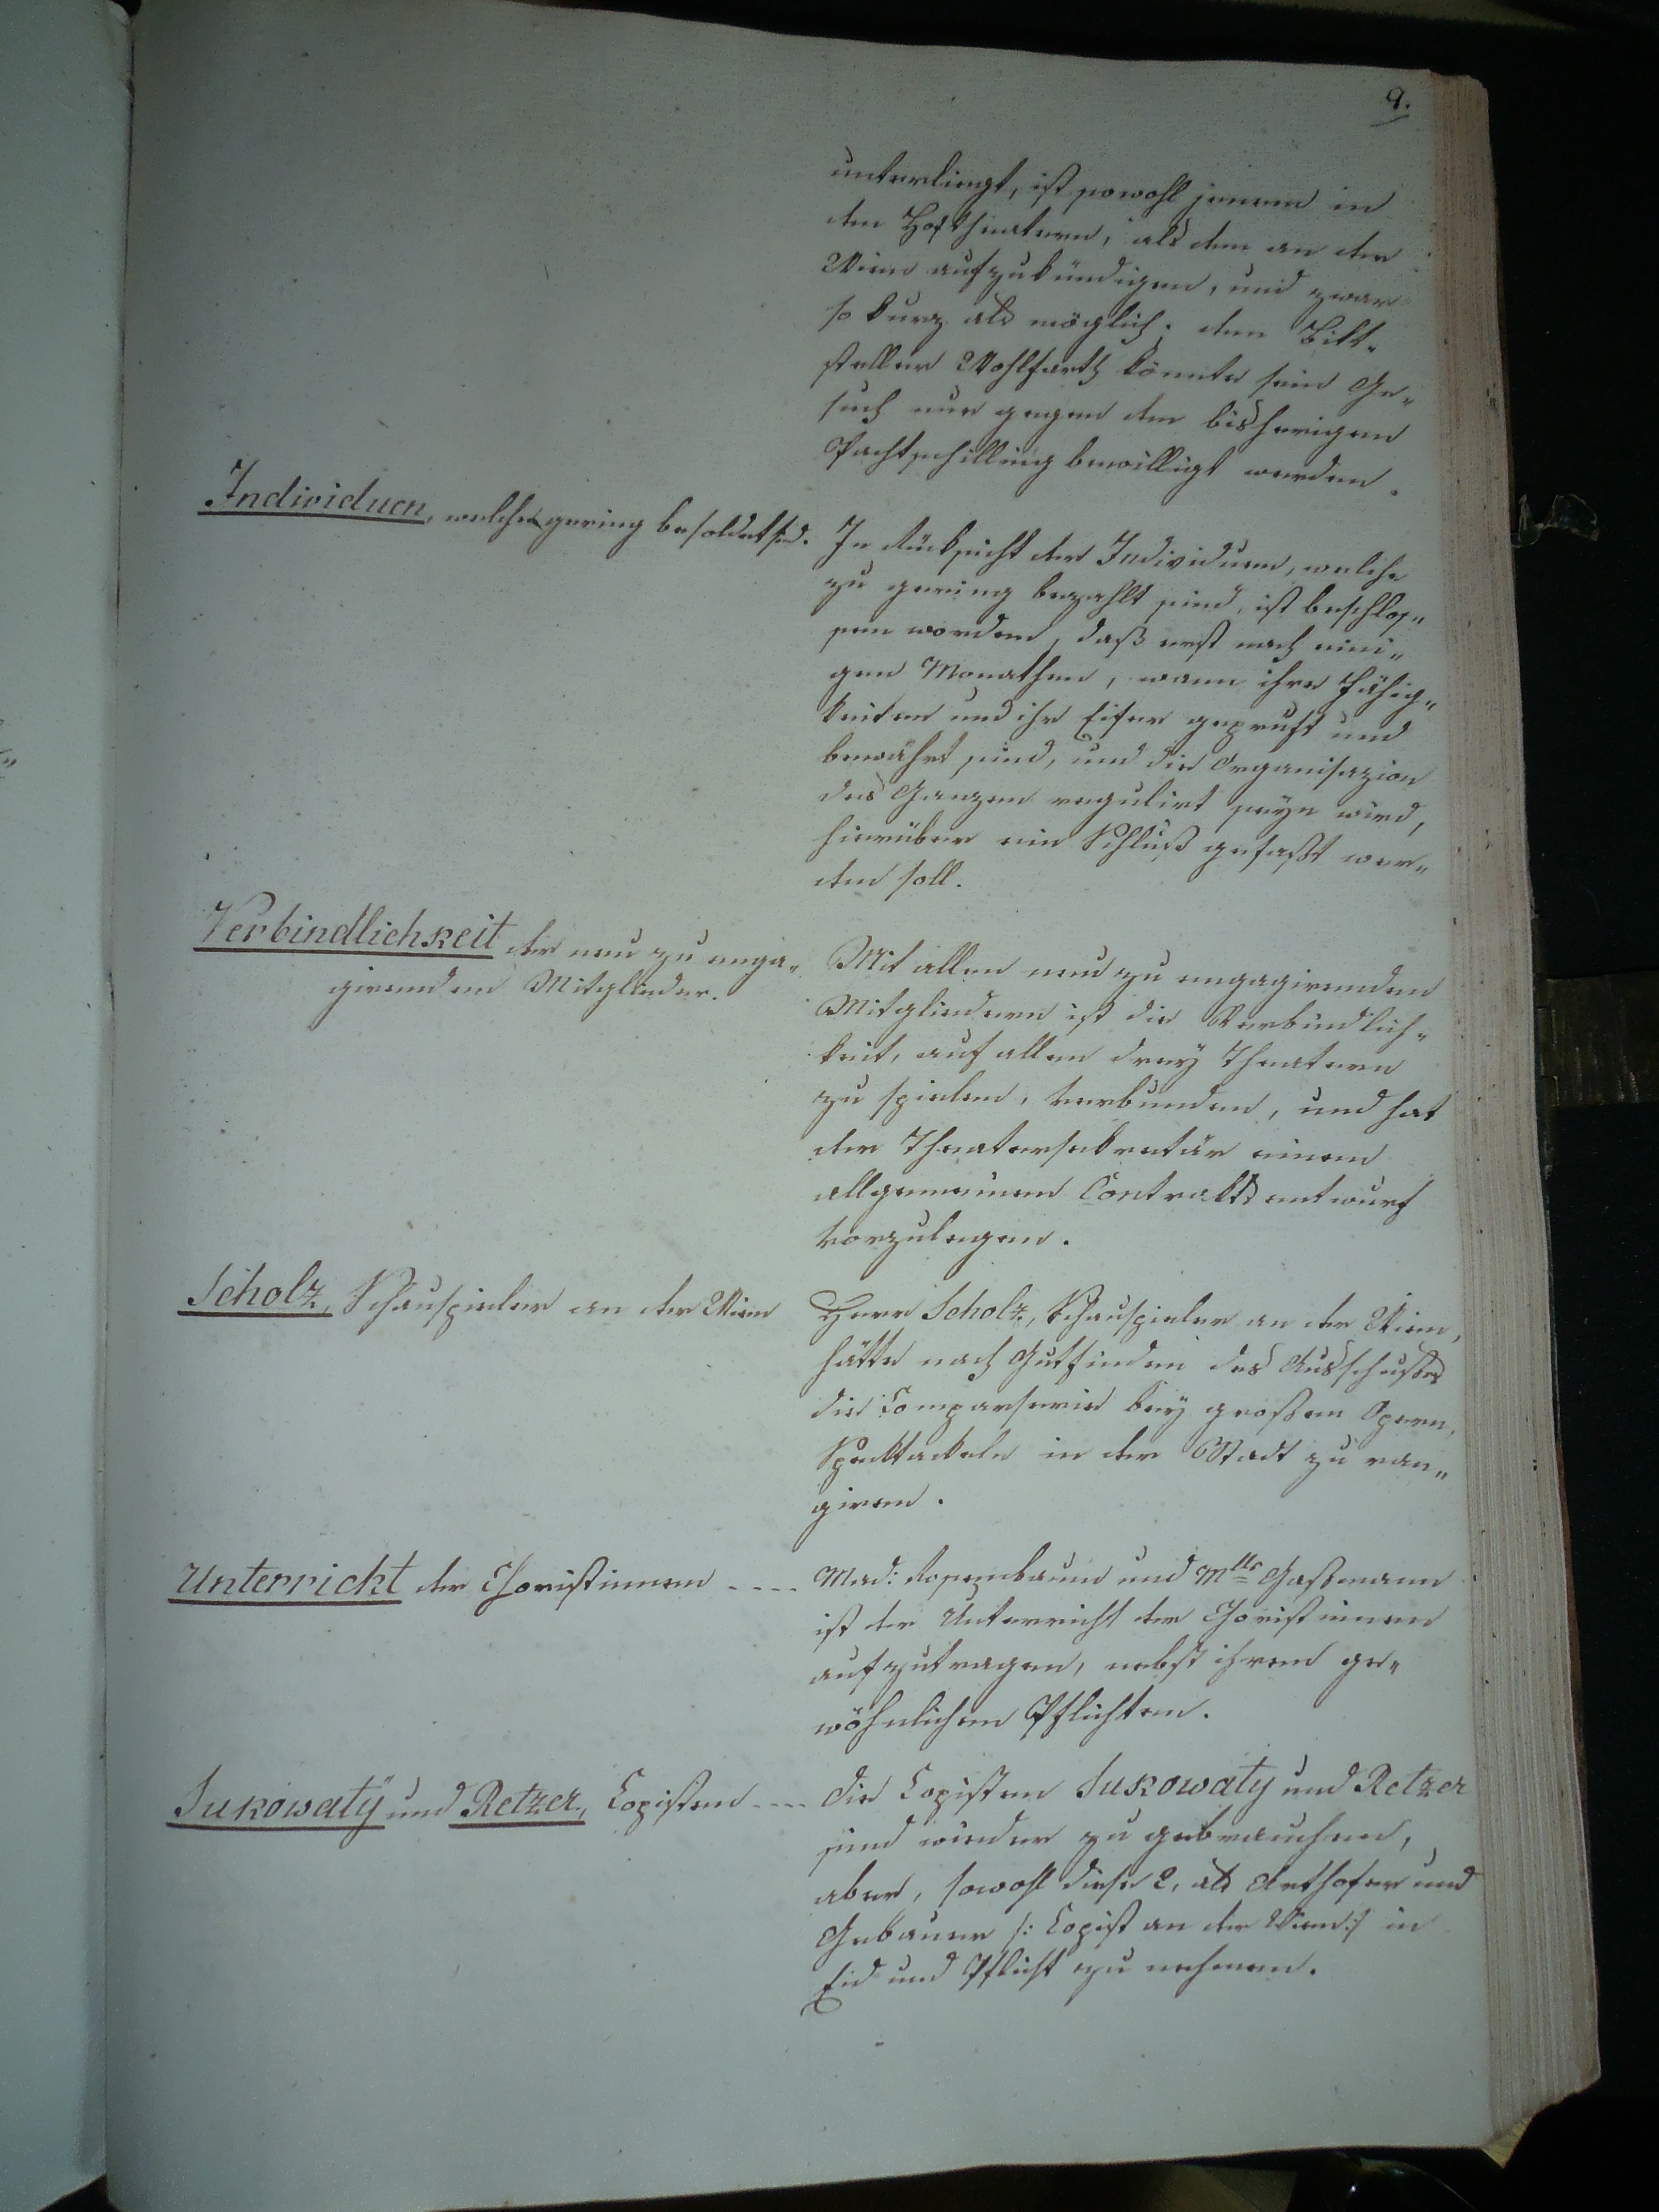9.
unterliegt, ist sowohl jenem in
den Hoftheatern, als dem an der
Wien aufzukündigen, und zwar
so kurz als möglich; dem Bitt¬
steller Wohlfarth könnte sein Ge¬
such nur gegen den bisherigen
Pachtschilling bewilligt werden.
Individuen, welche gering besoldet sind. In Rücksicht der Individuen, welche
zu gering bezahlt sind, ist beschlos¬
sen worden, daß erst nach eini¬
gen Monathen, wann ihre Fähig¬
keiten und ihr Eifer geprüft und
bewährt sind, und die Organisazion
des Ganzen regulirt seyn wird,
hierüber ein Schluß gefaßt wer¬
den soll.
Verbindlichkeit der neu zu enga¬
girenden Mitglieder.
Mit allen neu zu engagirenden
Mitgliedern ist die Verbindlich¬
keit, auf allen drey Theatern
zu spielen, verbunden, und hat
der Theatersekretär einen
allgemeinen Contractsentwurf
vorzulegen.
Scholz, Schauspieler an der Wien Herr Scholz, Schaupieler an der Wien,
hätte nach Gutfinden des Ausschußes
die Comparserie bey großen Opern,
Spektackeln in der Stadt zu ran¬
giren.
Unterricht der Choristinnen …. Mad: Rosenbaum und Mlle Gaßmann
ist der Unterricht der Choristinnen
aufzutragen, nebst ihren ge¬
wöhnlichen Pflichten.
Sukowaty und Retzer, Copisten …. Die Copisten Sukowaty und Retzer
sind wieder zu gebrauchen,
aber, sowohl diese & als Arthofer und
Gebauer |: Copist an der Wien :| in
Eid und Pflicht zu nehmen.